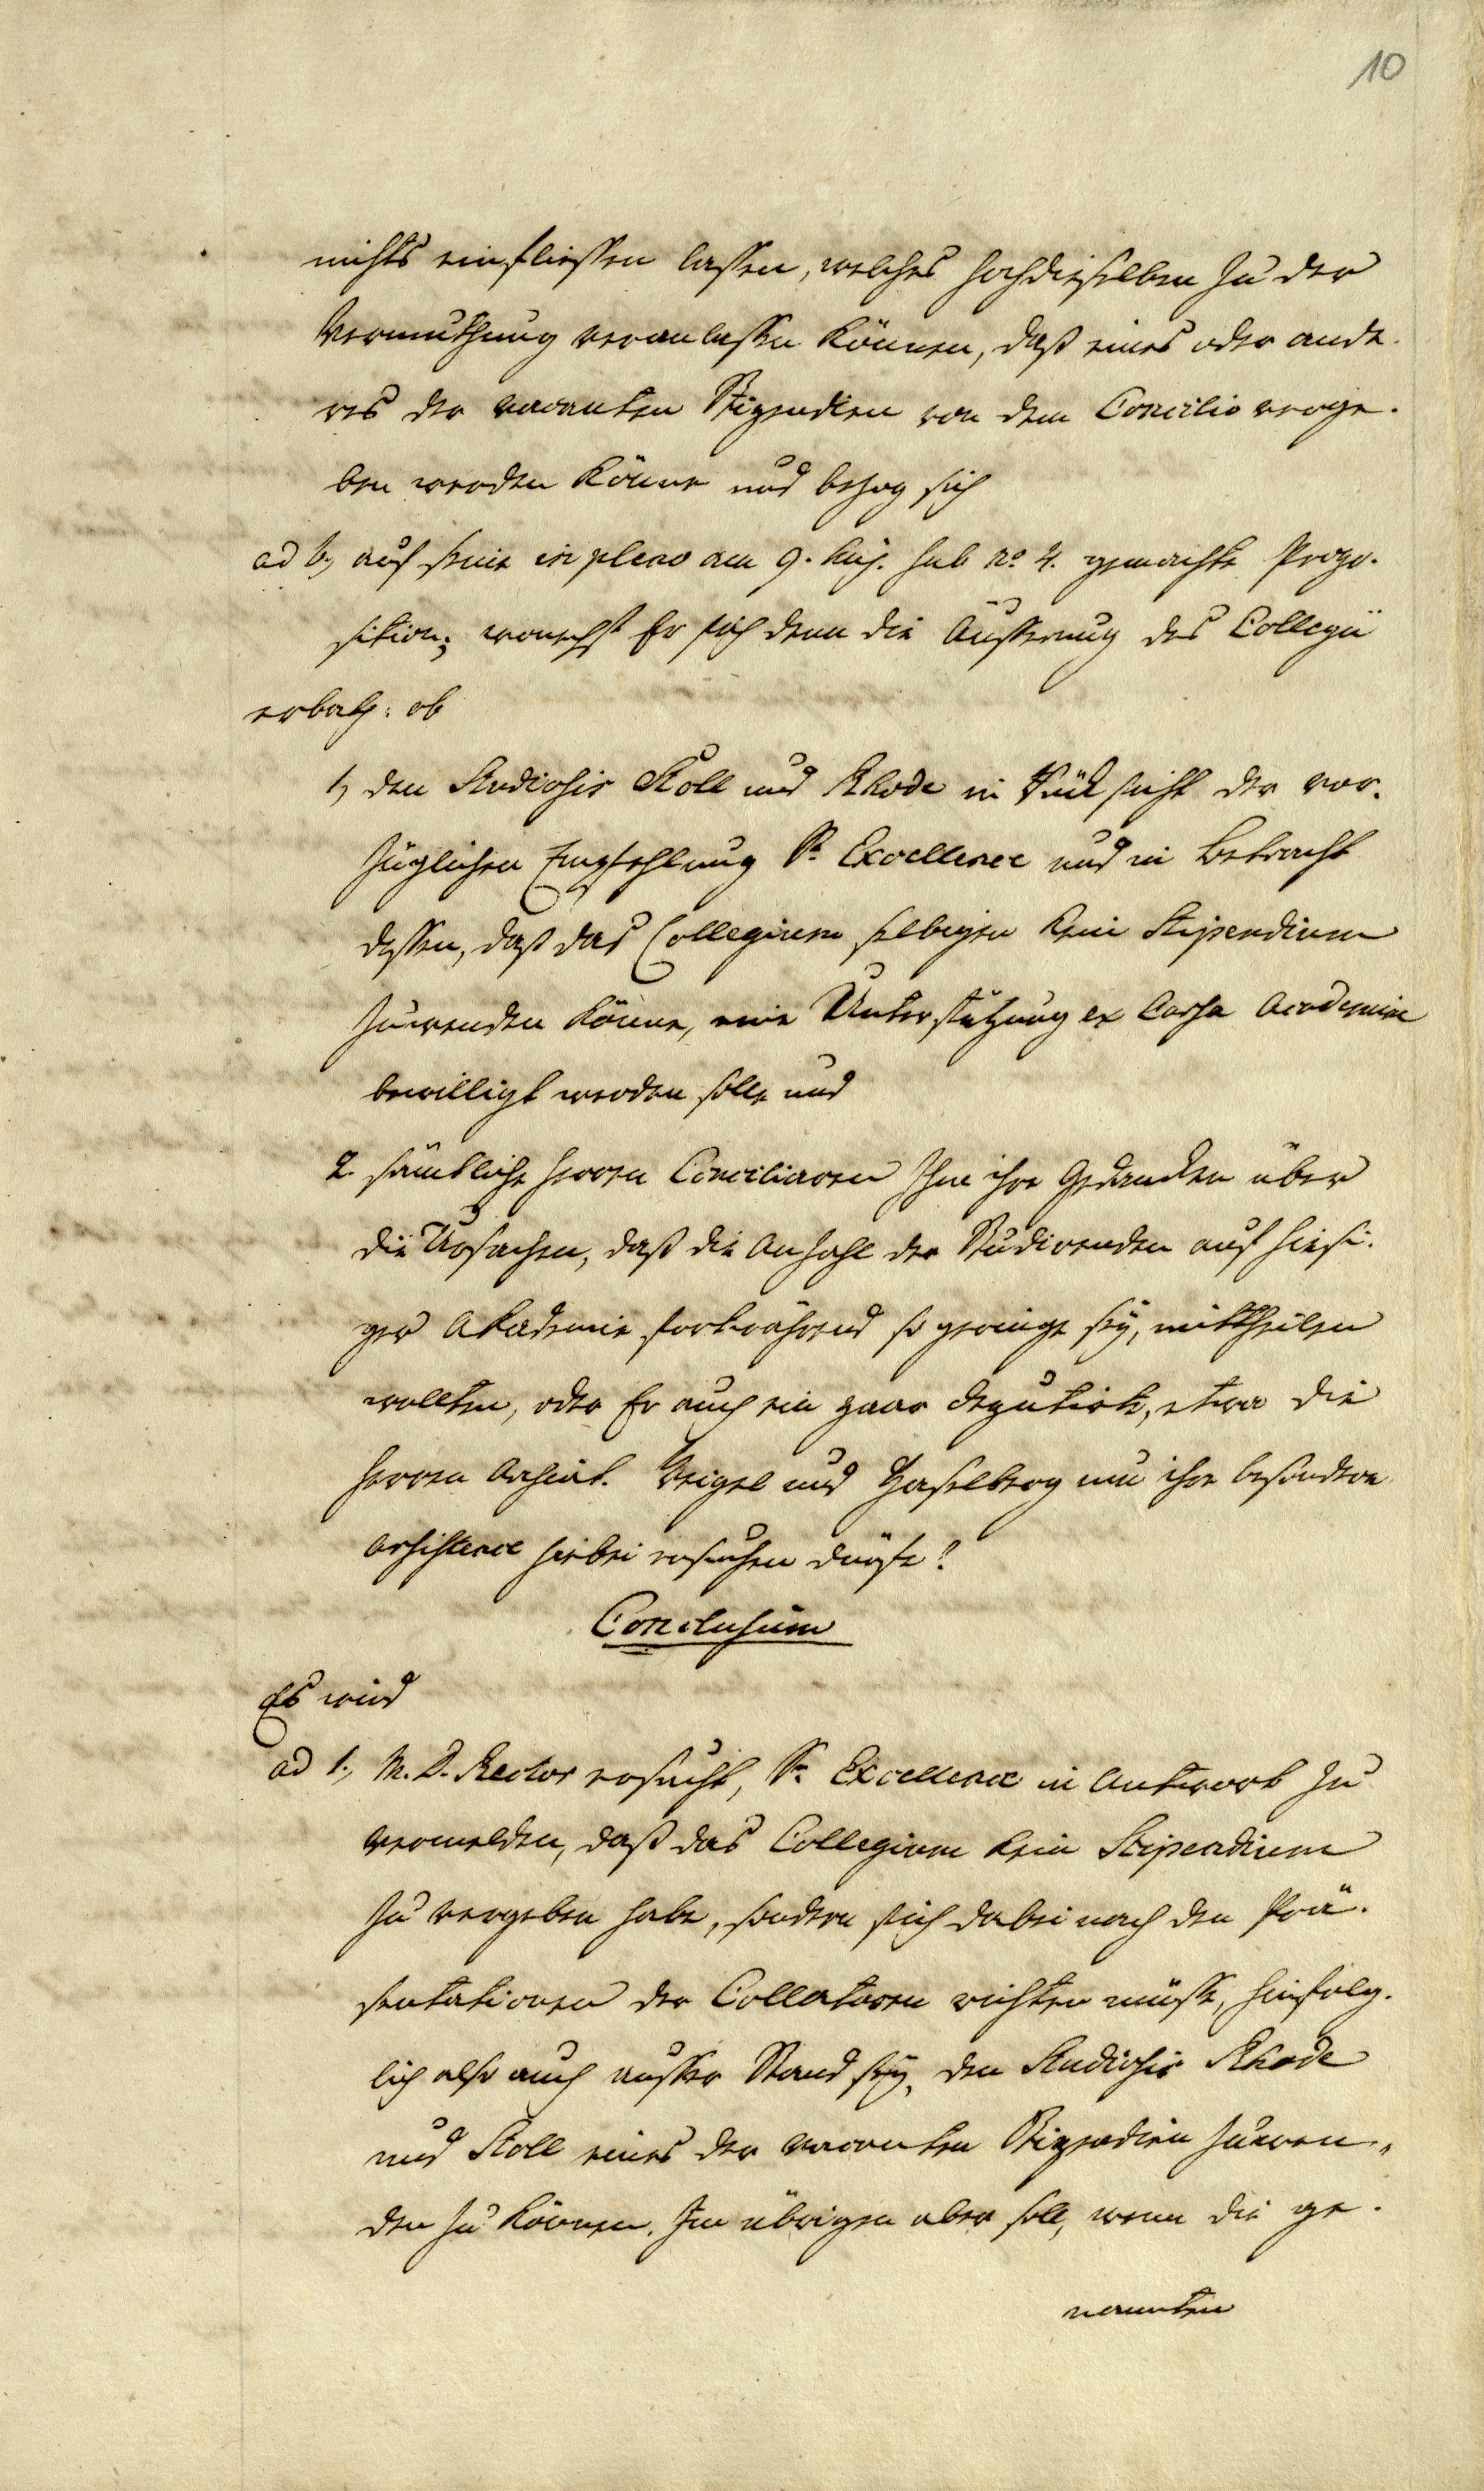nichts einfliessen lassen, welches hochdieselben zu der
Vermuthung veranlassen können, daß eines oder ande¬
res der vacanten Stipendien von dem Concilio verge¬
ben werden könne und bezog sich
ad b., auf seine in pleno am 9. huj. sub no. 4. gemachte Propo¬
sition; wonechst Er sich denn die Äusserung des Collegii
erbath: ob
1, den Studiosis Stoll und Rhode in Rücksicht der vor¬
züglichen Empfehlung Sr. Excellence und in Betracht
dessen, daß das Collegium selbigen kein Stipendium
zuwenden könne, eine Unterstützung ex Cassa Academiae
bewilligt werden solle und
2. sämtliche Herren Conciliaren Ihm ihre Gedanken über
die Ursachen, daß die Anzahl der Studirenden auf hiesi¬
ger Akademie fortwährend so geringe seÿ, mittheilen
wollten, oder Er auch ein paar Deputirte, etwa die
Herren Archiat. Weigel und Haselberg um ihre besondere
Assistence hiebei ersuchen dürfe?
Conclusum
Es wird
ad 1., M. D. Rector ersucht, Sr Excellence in Antwort zu
vermelden, daß das Collegium kein Stipendium
zu vergeben habe, sondern sich dabei nach den Prä¬
sentationen der Collatoren richten müsse, hinfolg¬
lich also auch ausser Stand seÿ, den Studiosis Rhode
und Stoll eines der vacanten Stipendien zuwen¬
den zu können. Im übrigen aber soll, wenn die ge¬
genannten